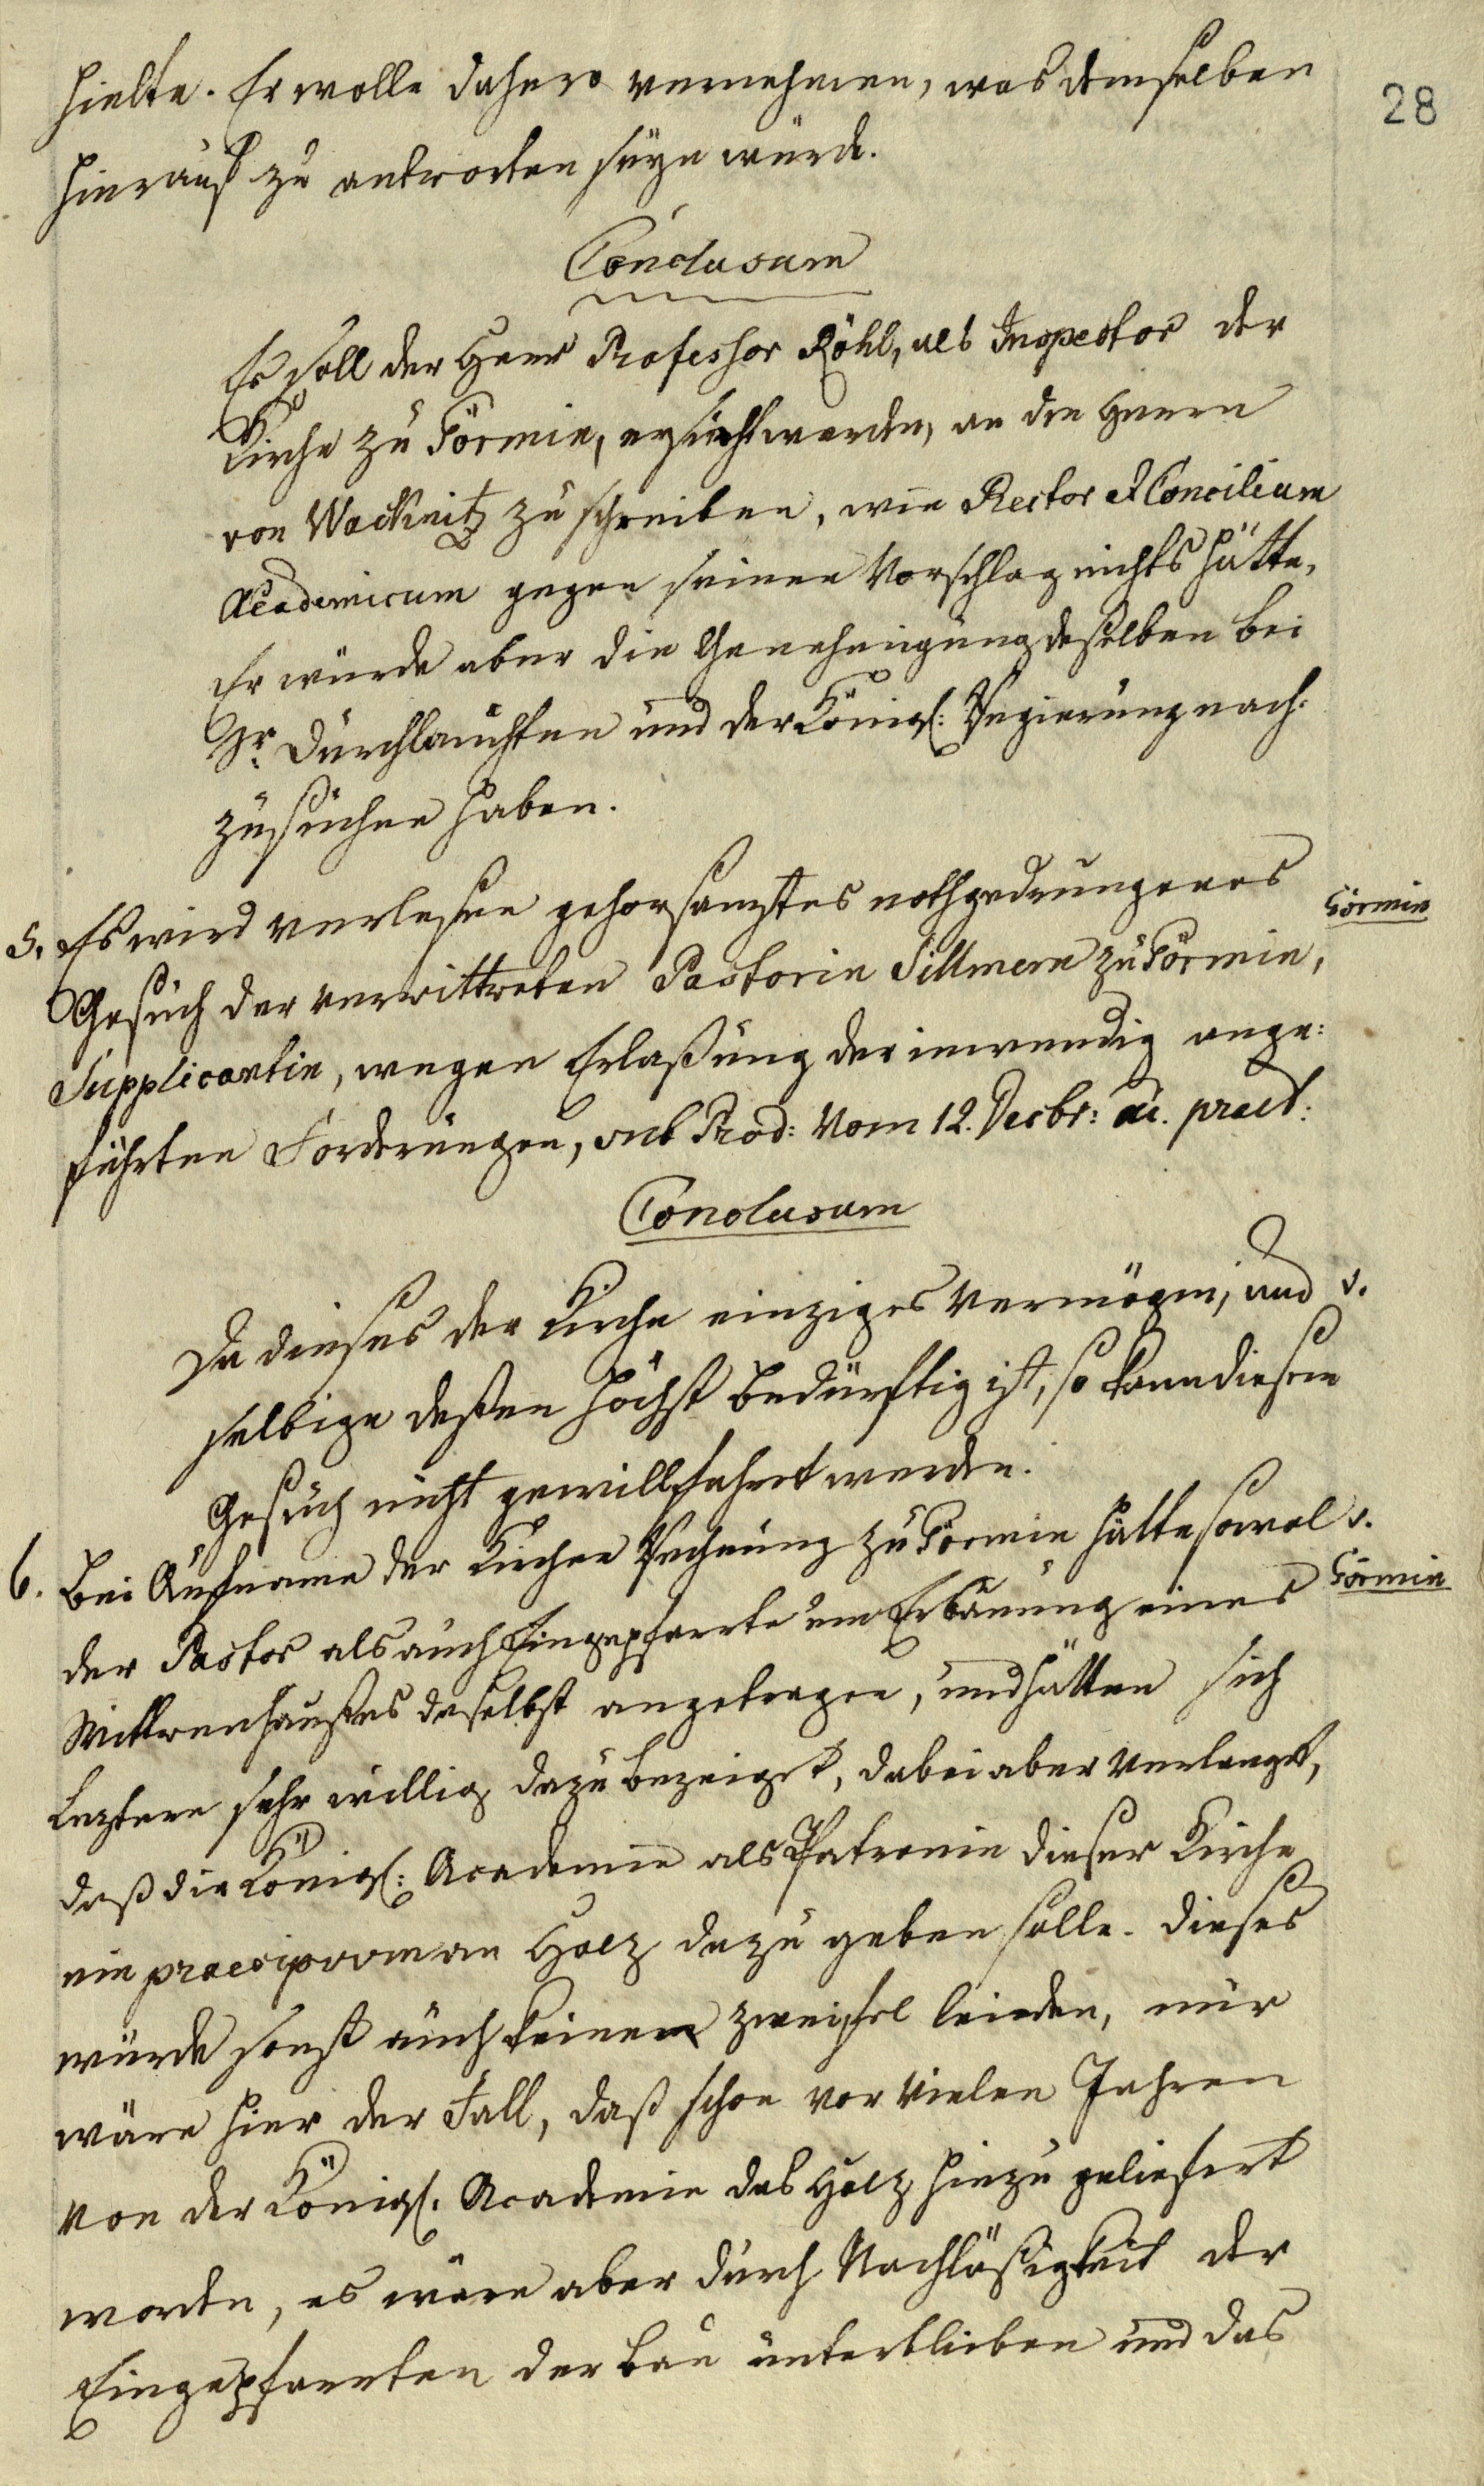hielte. Er wolle dahero vernehmen, was demselben
hierauf zu antworten seÿn würde.
Conclusum
Es soll der Herr Professor Röhl, als Inspector der
Kirche zu Görmin, ersucht werden, an den Herrn
von Wacknitz zu schreiben, wie Rector et Concilium
Academicum gegen seinen Vorschlag nichts hätte,
Er würde aber die Genehmigung desselben bei
Sr Durchlauchten und der Königl. Regierung nach¬
zusuchen haben.
5. Es wird verlesen gehorsamstes nothgedrungenes
Gesuch der verwittweten Pastorin Sillmern zu Görmin,
Supplicantin, wegen Erlassung der inwendig ange¬
führten Forderungen, sub Prod. vom 12. Decbr.ac. praet.
Conclusum
Da dieses der Kirche einziges Vermögen; und
selbige dessen höchst bedürftig ist, so kann diesem
Gesuch nicht gewillfahret werden.
6. Bei Aufname der Kirchen Rechnung zu Görmin hätte sowol
der Pastor als auch Eingepfarrte um Erbauung eines
Wittwenhauses daselbst angetragen, und hätten sich
leztere sehr willig dazu bezeiget, dabei aber verlangt,
daß die Königl. Academie als Patronin dieser Kirche
ein praecipuum an Holz dazu geben solle. Dieses
würde sonst auch keinen Zweifel leiden, nur
wäre hier der Fall, daß schon vor vielen Jahren
von der Königl. Academie das Holz hiezu geliefert
worden, es wäre aber durch Nachläßigkeit der
Eingepfarrten der Bau unterblieben und das